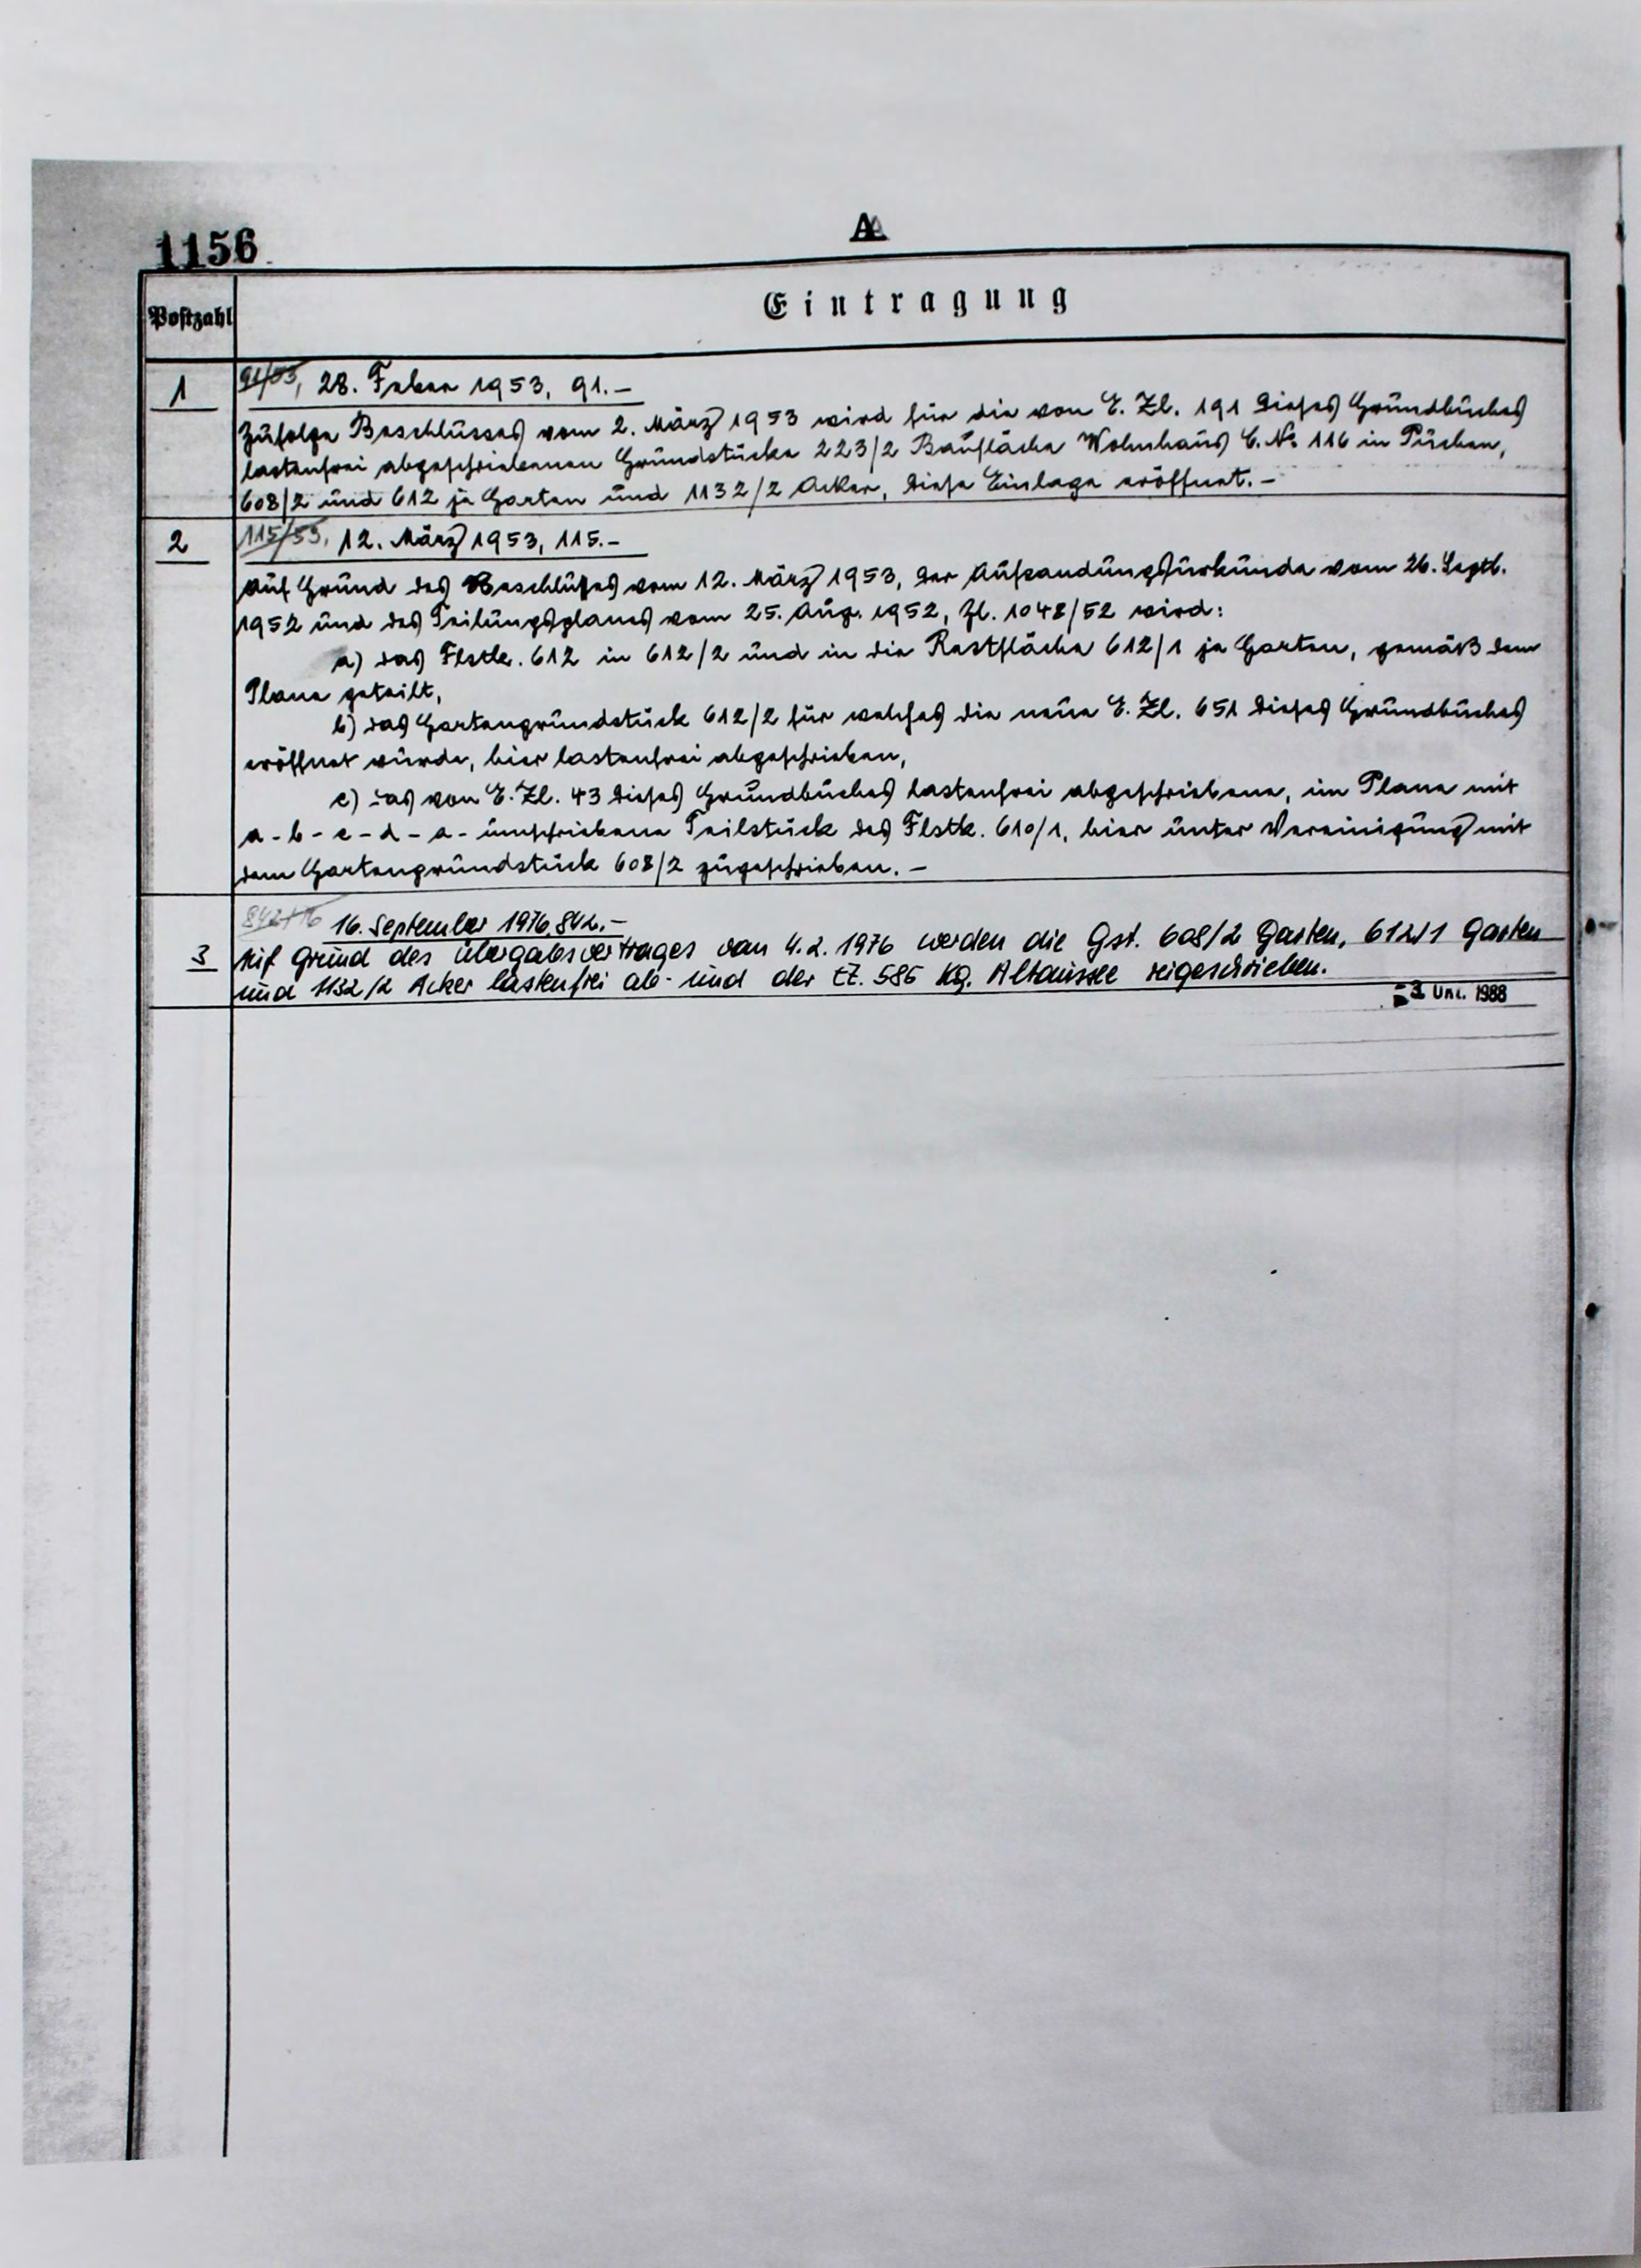A
1156
Eintragung
Postzahl
91/53, 28. Feber 1953, 91.-
Zufolge Beschlusses vom 2. März 1953 wird für die von E. Zl. 191 Dieses Grundbuches
lastenfrei abgeschriebenen Grundstücker 223/2 Baufläche Wohnhaus C. No. 116 in Puchen,
608/2 und 612 zu Garten und 1132/2 Acker, diese Einlage eröffnet.-
1
115/53, 12. März 1953, 115.-
Auf Grund des Beschlusses vom 12. März 1953, der Aufsandungsurkunde vom 26. Septb.
1952 und des Teilungsplanes vom 25. Aug. 1952, Zl. 1048/52 wird:
a) das Flstk. 612 in 612/2 und in die Rastfläche 612/1 je Garten, gemäß dem
Plane geteilt,
b) das Gartengrundstück 612/2 für welches die neue E. Zl. 651 dieses Grundbuches
eröffnet würde, hier lastenfrei abgeschrieben,
c) das von E. Zl. 43 dieses Grundbuches lastenfrei abgeschriebene, im Plane mit
a - b - c- d - a- umschriebene Teilstück des Flstk. 610/1, hier unter Vereinigung mit
dem Gartengrundstück 608/2 zugsschrieben.-
2
842/76 16. September 1976, 842.-
Auf Gund des übergabsvertrages von 4.2.1976 werden die Gst. 608/2 Garten, 612/1 Garten
und 1132/2 Acker lastenfrei ab - und der EZ. 586 KG. Altaussee zugeschrieben.
3 Okt. 1988
3